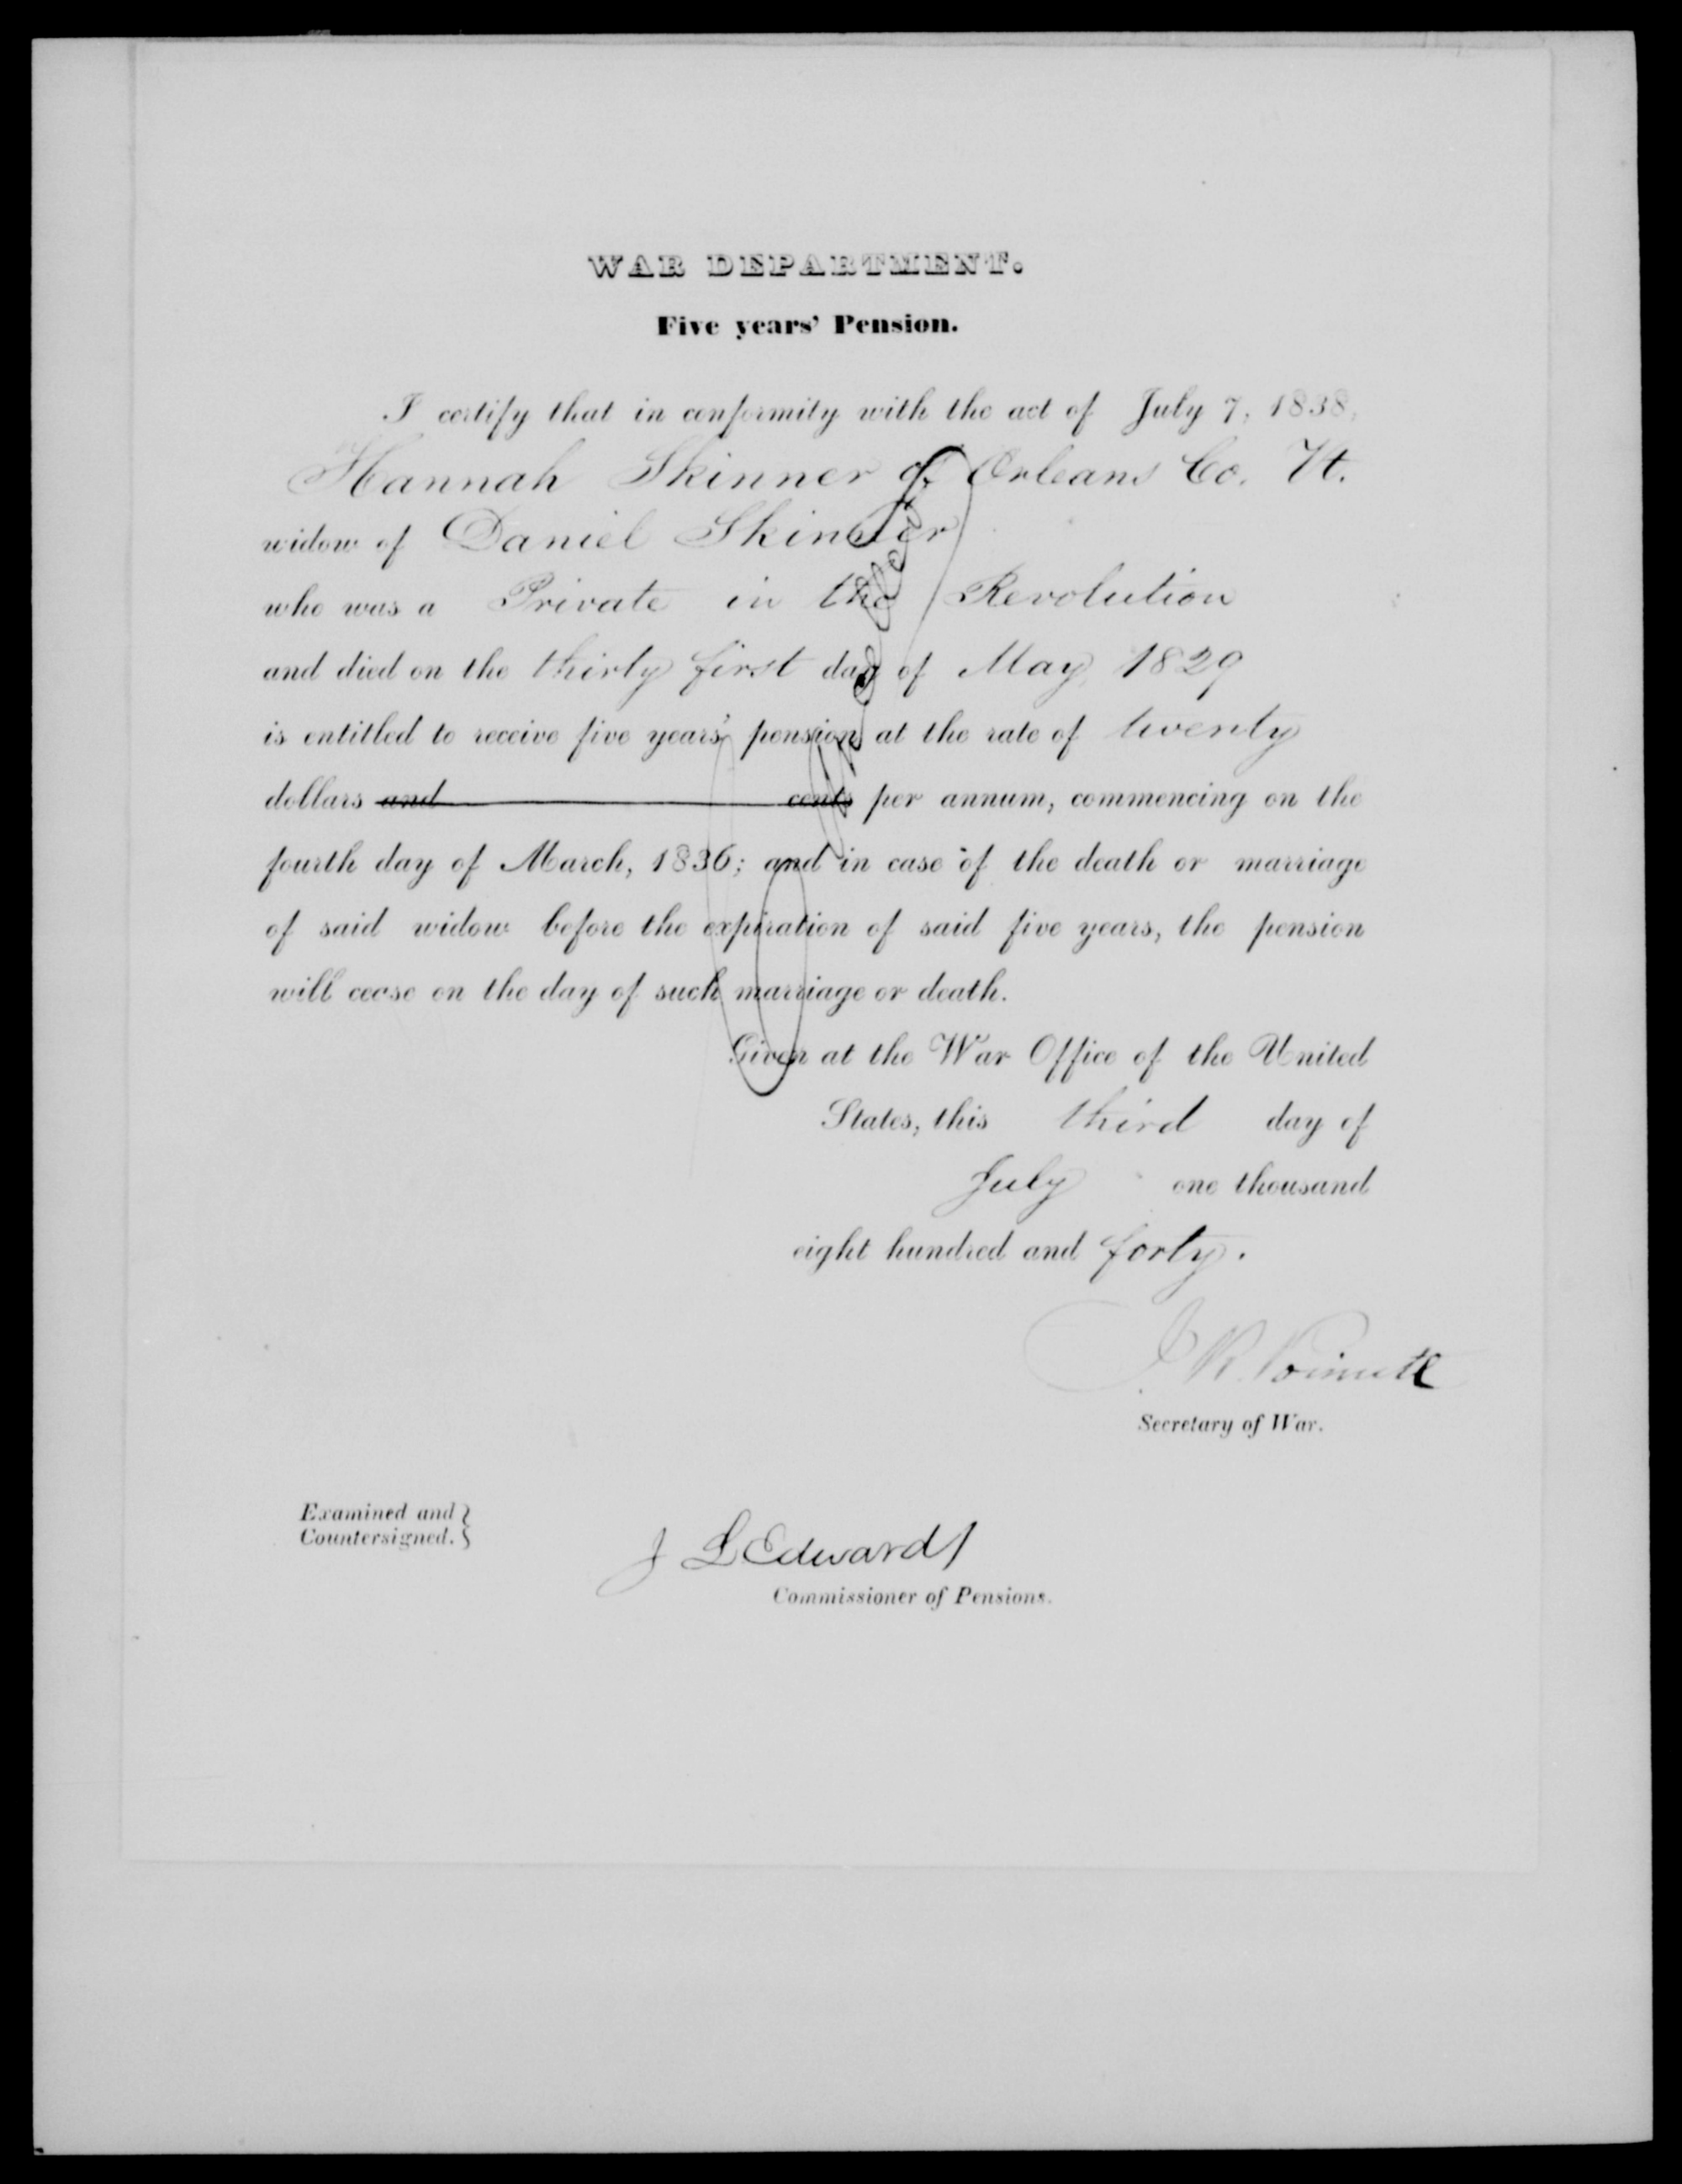WAR DEPARTMENT
Five years' Pension.
I certify that in conformity with the act of July 7, 1838,
Hannah Skinner of Orleans Co. Vt.
widow of Daniel Skinner
who was a Private in the Revolution
and died on the thirty first day of May 1829
is entitled to receive five years pension at the rate of twenty
dollars per annum, commencing on the
fourth day of March, 1836; and in case of the death or marriage
of said widow before the expiration of said five years, the pension
will cease on the day of such marriage or death.
Given at the War Office of the United States,
this third day of
July one thousand
eight hundred and forty.
JR Poinsett
Secretary of War

Examined and
Countersigned. }
J L Edwards
Commissioner of Pensions.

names: Hannah Skinner; J L Edwards; Daniel Skinner; J R Poinsett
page: 34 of 46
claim: widow's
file: W. 24976, for Daniel Skinner, New Hampshire